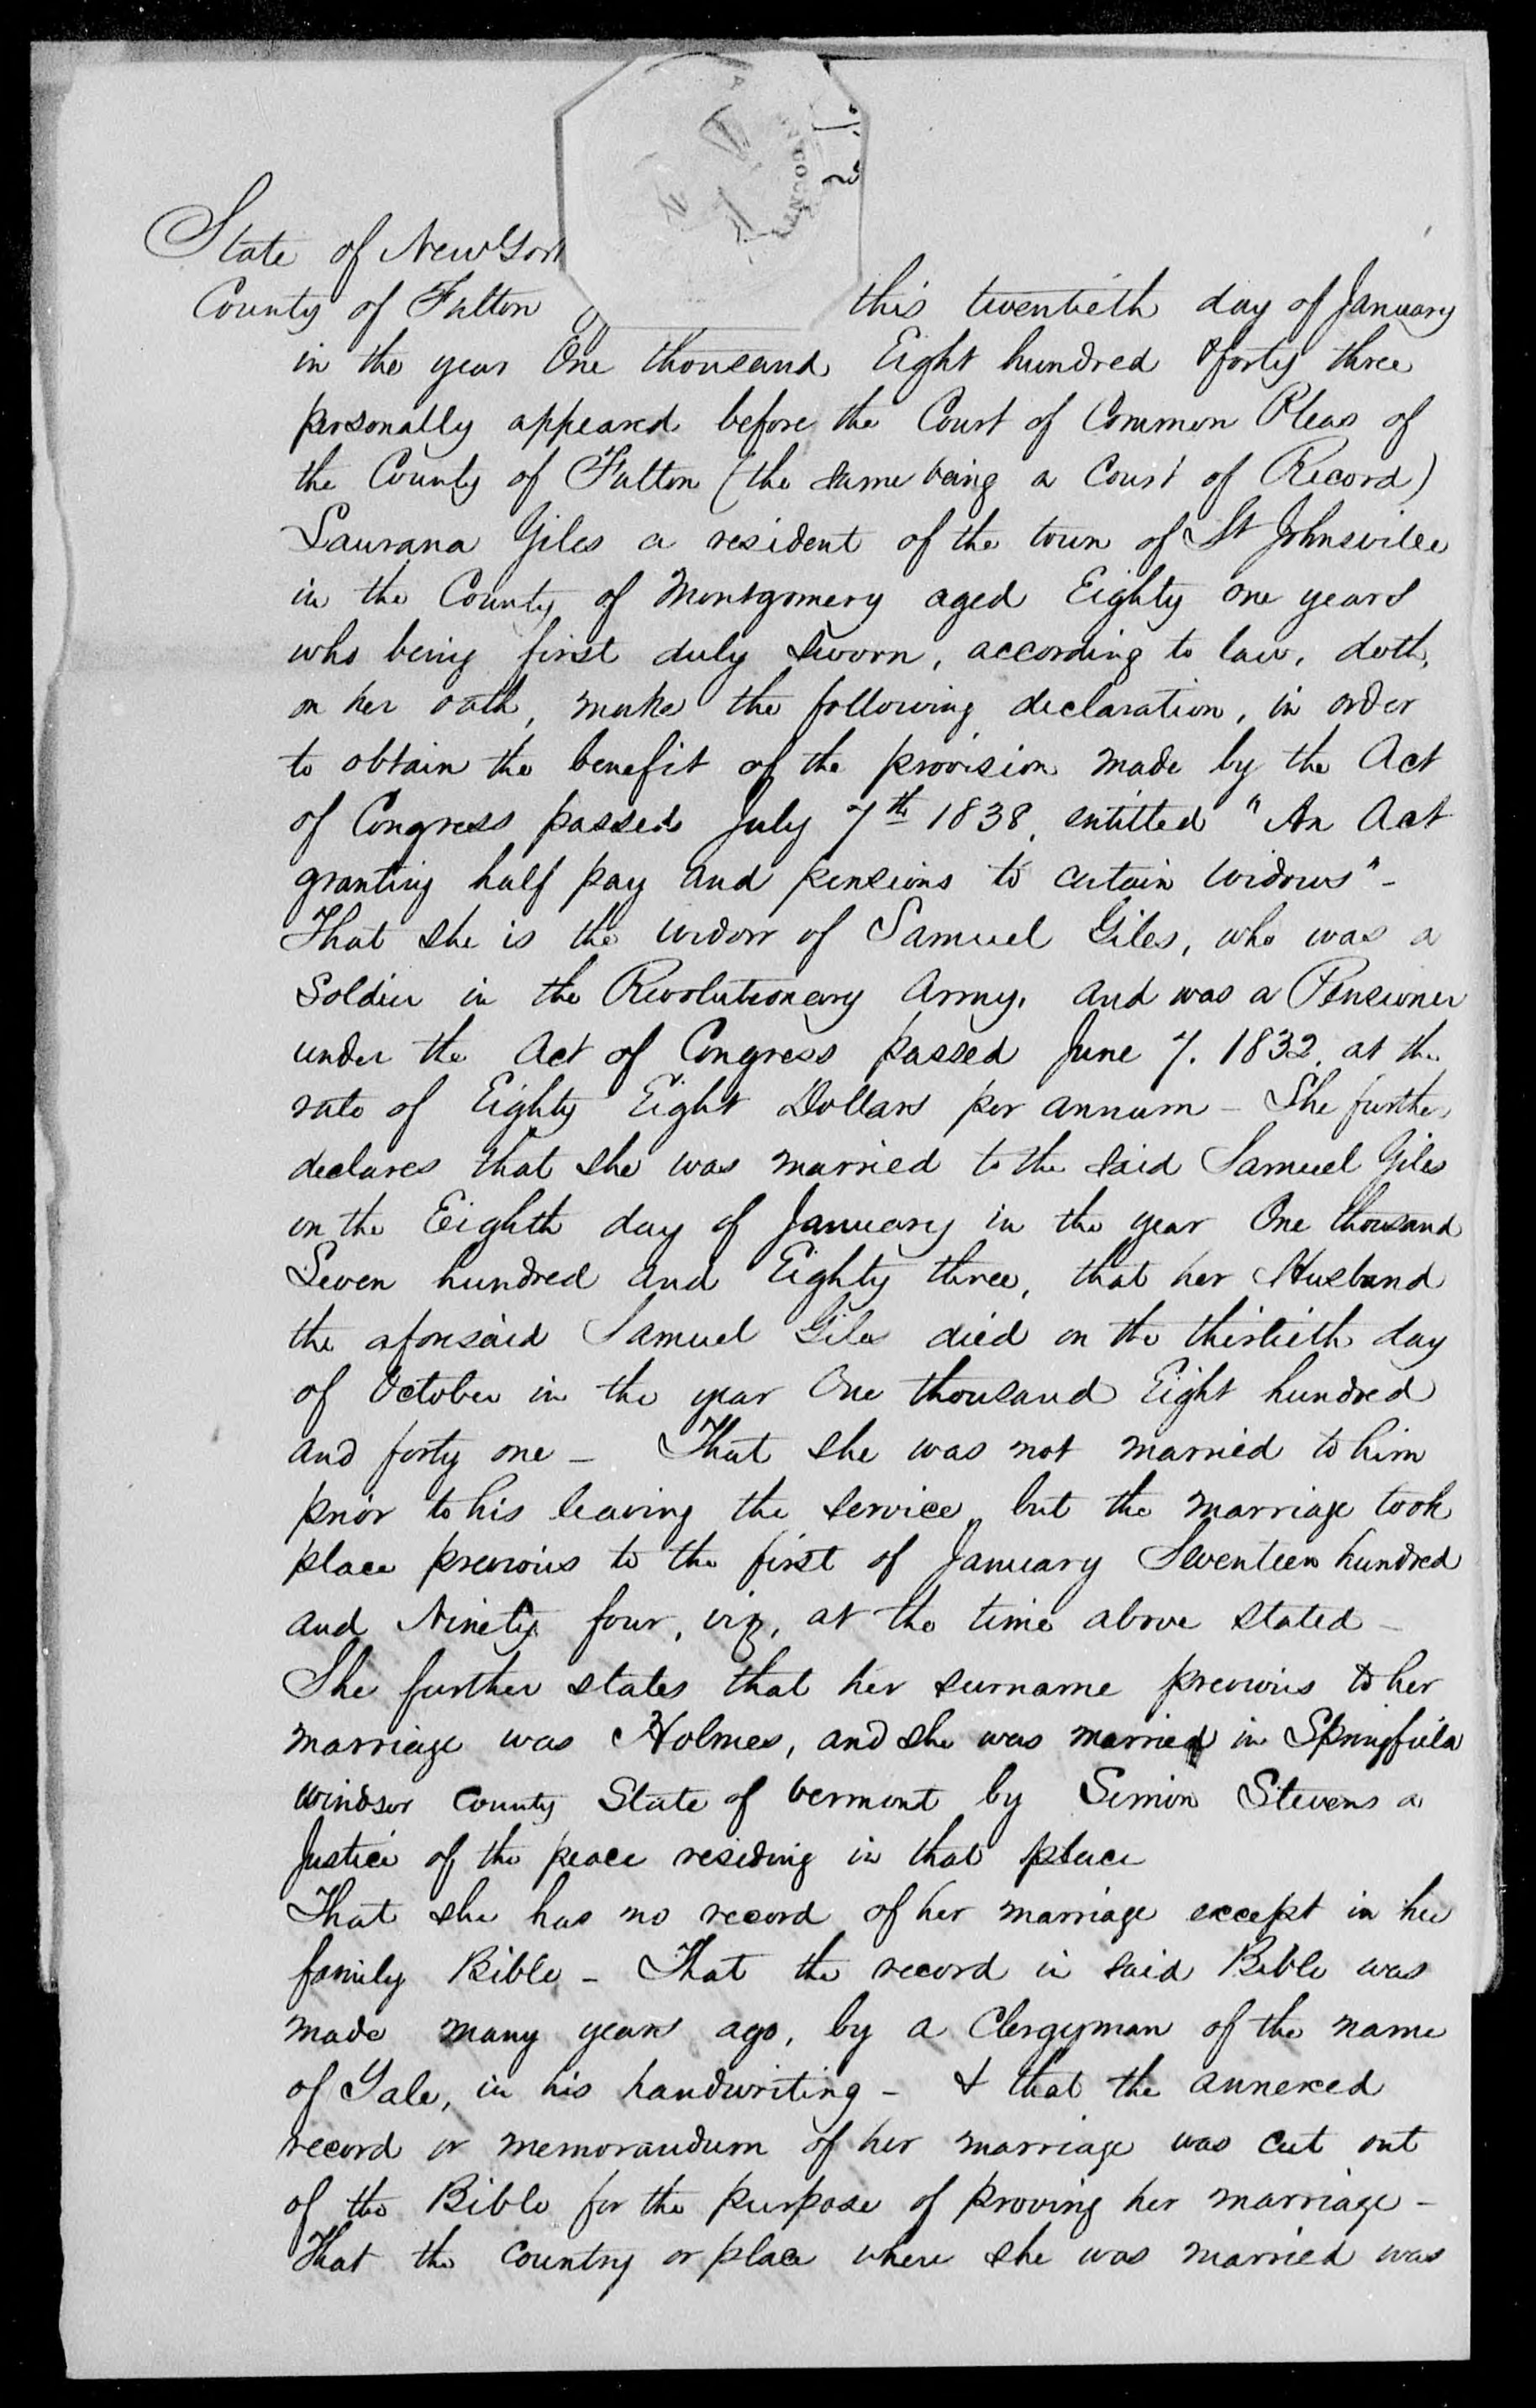State of New York
County of Fulton [Illegible] this twentieth day of January in the year One Thousand Eight hundred forty three personally appeared, before the Court of Common Pleas of the County of Fulton. The same being a Court of Record. Laurana Giles a resident of the town of St Johnsville in the County of Montgomery aged Eighty one years who being first duly sworn, according to law, doth, on her oath, make the following declaration, in order to obtain the benefit of the provision made by the act of Congress passed July 7th 1838, entitled "An act granting half pay and pensions to certain widows". That she is the widow of Samuel Giles, who was a soldier in the Revolutionary army, and was a Pensioner under the act of Congress passed June 7. 1832, at the rate of Eighty Eight Dollars per annum. She further declares that she was married to the said Samuel Giles on the Eighth day of January in the year of One thousand Seven hundred and Eighty three, that her Husband the aforsaid Samuel Giles died on the thirtieth day of October in the year One thousand Eight hundred and forty one. That she was not married to him prior to his leaving the service but the marriage took place previous to the first of January Seventeen hundred and Ninety four,[Illegible], at the time above stated. She further states that her surname previous to her marriage was Holmes, and she was married in Springfield Windsor County State of Vermont by Simon Stevens a Justice of the peace residing in that place.
That she has no record of her marriage except in her family Bible-That the record in said, Bible was made many years ago,by a Clergyman of the name of Yale, in his handwriting- [Illegible] That the annexed record of memorandum of her marriage was cut out of the Bible for the purpose of proving her marriage - That the county or place when she was married was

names: Laurana Giles, Samuel Giles, Holmes, Samuel Giles, Simon Stevens, Samuel Giles, Yale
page: 8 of 55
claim: widow's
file: W. 19503, Samuel Giles, Conti. Mass. New York